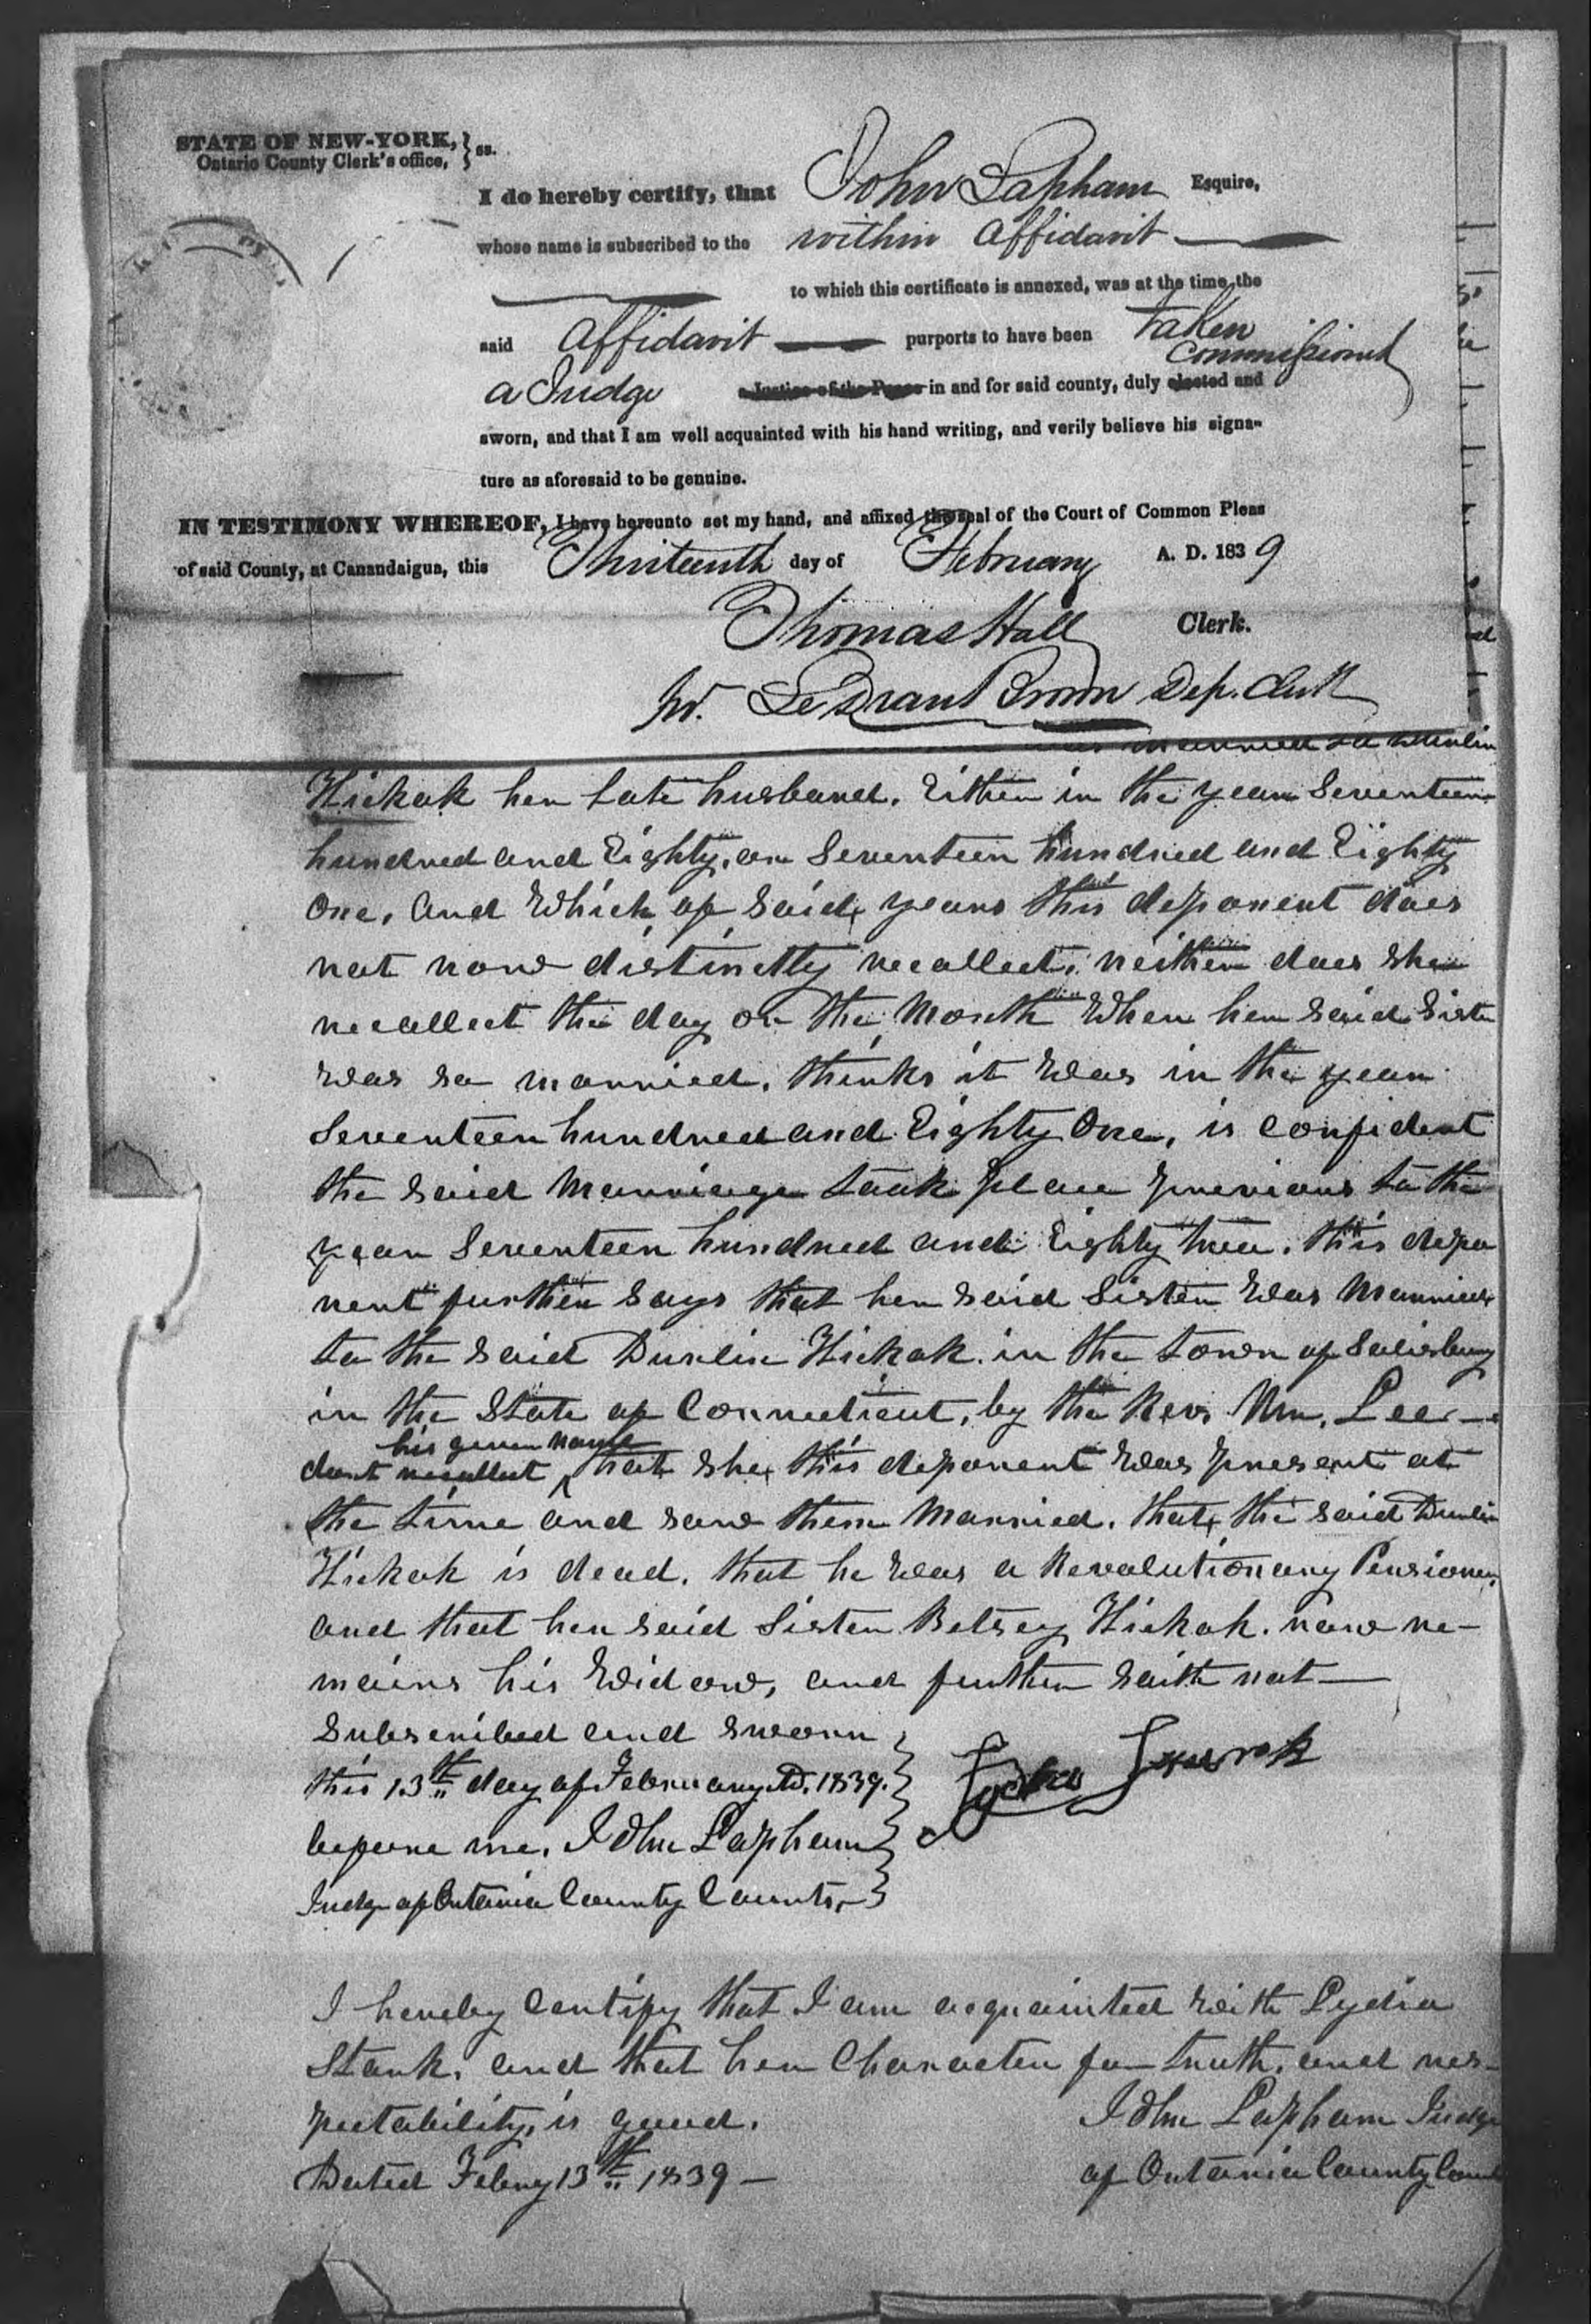State of New York Ontario County Clerk's office, ss

I do hereby certify, that John Lapham Esquire, whose name is subscribed to the within affidavit- to which this certificate is annexed, was at the time, the said affidavit-purports to have been taken a Judge in and for said county, duly commissioned and sworn, and that I am well acquainted with his hand writing, and verily believe his signature as aforesaid to be genuine,
In Testimony Whereof, I have hereunto set my hand, and affixed the seal of the Court of Common Pleas of said County, at Canandaigua this Thirteenth day of February A.D. 1839
Thomas Hale Clerk
LeDrand Brown Dep. Clerk

Hickok her Late husband, Either in the year Seventeen hundred and Eighty, or Seventeen hundred and Eighty One, and Which, as said years this deponent does not now distinctly recollect, neither does she recollect the day or the Month when her said Sister was [illegible] married, thinks it was in the year Seventeen hundred and Eighty one, is confident the said marriage took place previous to the year Seventeen hundred and Eighty three. this deponent further says that her said Sister was married to the said Durlin Hickok in the town of Salisbury in the State of Connecticut, by the Rev. Nm. Lee-his given name she doesn't recollect. she this deponent was present at the time, and saw them married. that she said Durlin Hickok is dead. that he was a Revolutionary Pensioner and that her said Sister Betsey Hickok. now remains his widow, and further saith not-
Subscribed and Sworn
this 13th day of February AD 1839.
before me, John Lapham
Judge of Ontario County Court

(illegible signature)

I hereby certify that I am acquainted with Lydia Stank,  and that her character fir truth and respectability, is good. 
Dated Feby 13th 1839-
John Lapham Judge of Ontario County Court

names: John Lapham, Betsey Hickok, Durlin Hickok, John Lapham, Lee, Lydia Stank, Durlin Hickok, Le Dran Brown, John Lapham, Lydia Stank, Durlin Hickok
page: 27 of 45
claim: widow's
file: W. 4988, Durlin Hickok, Mass.